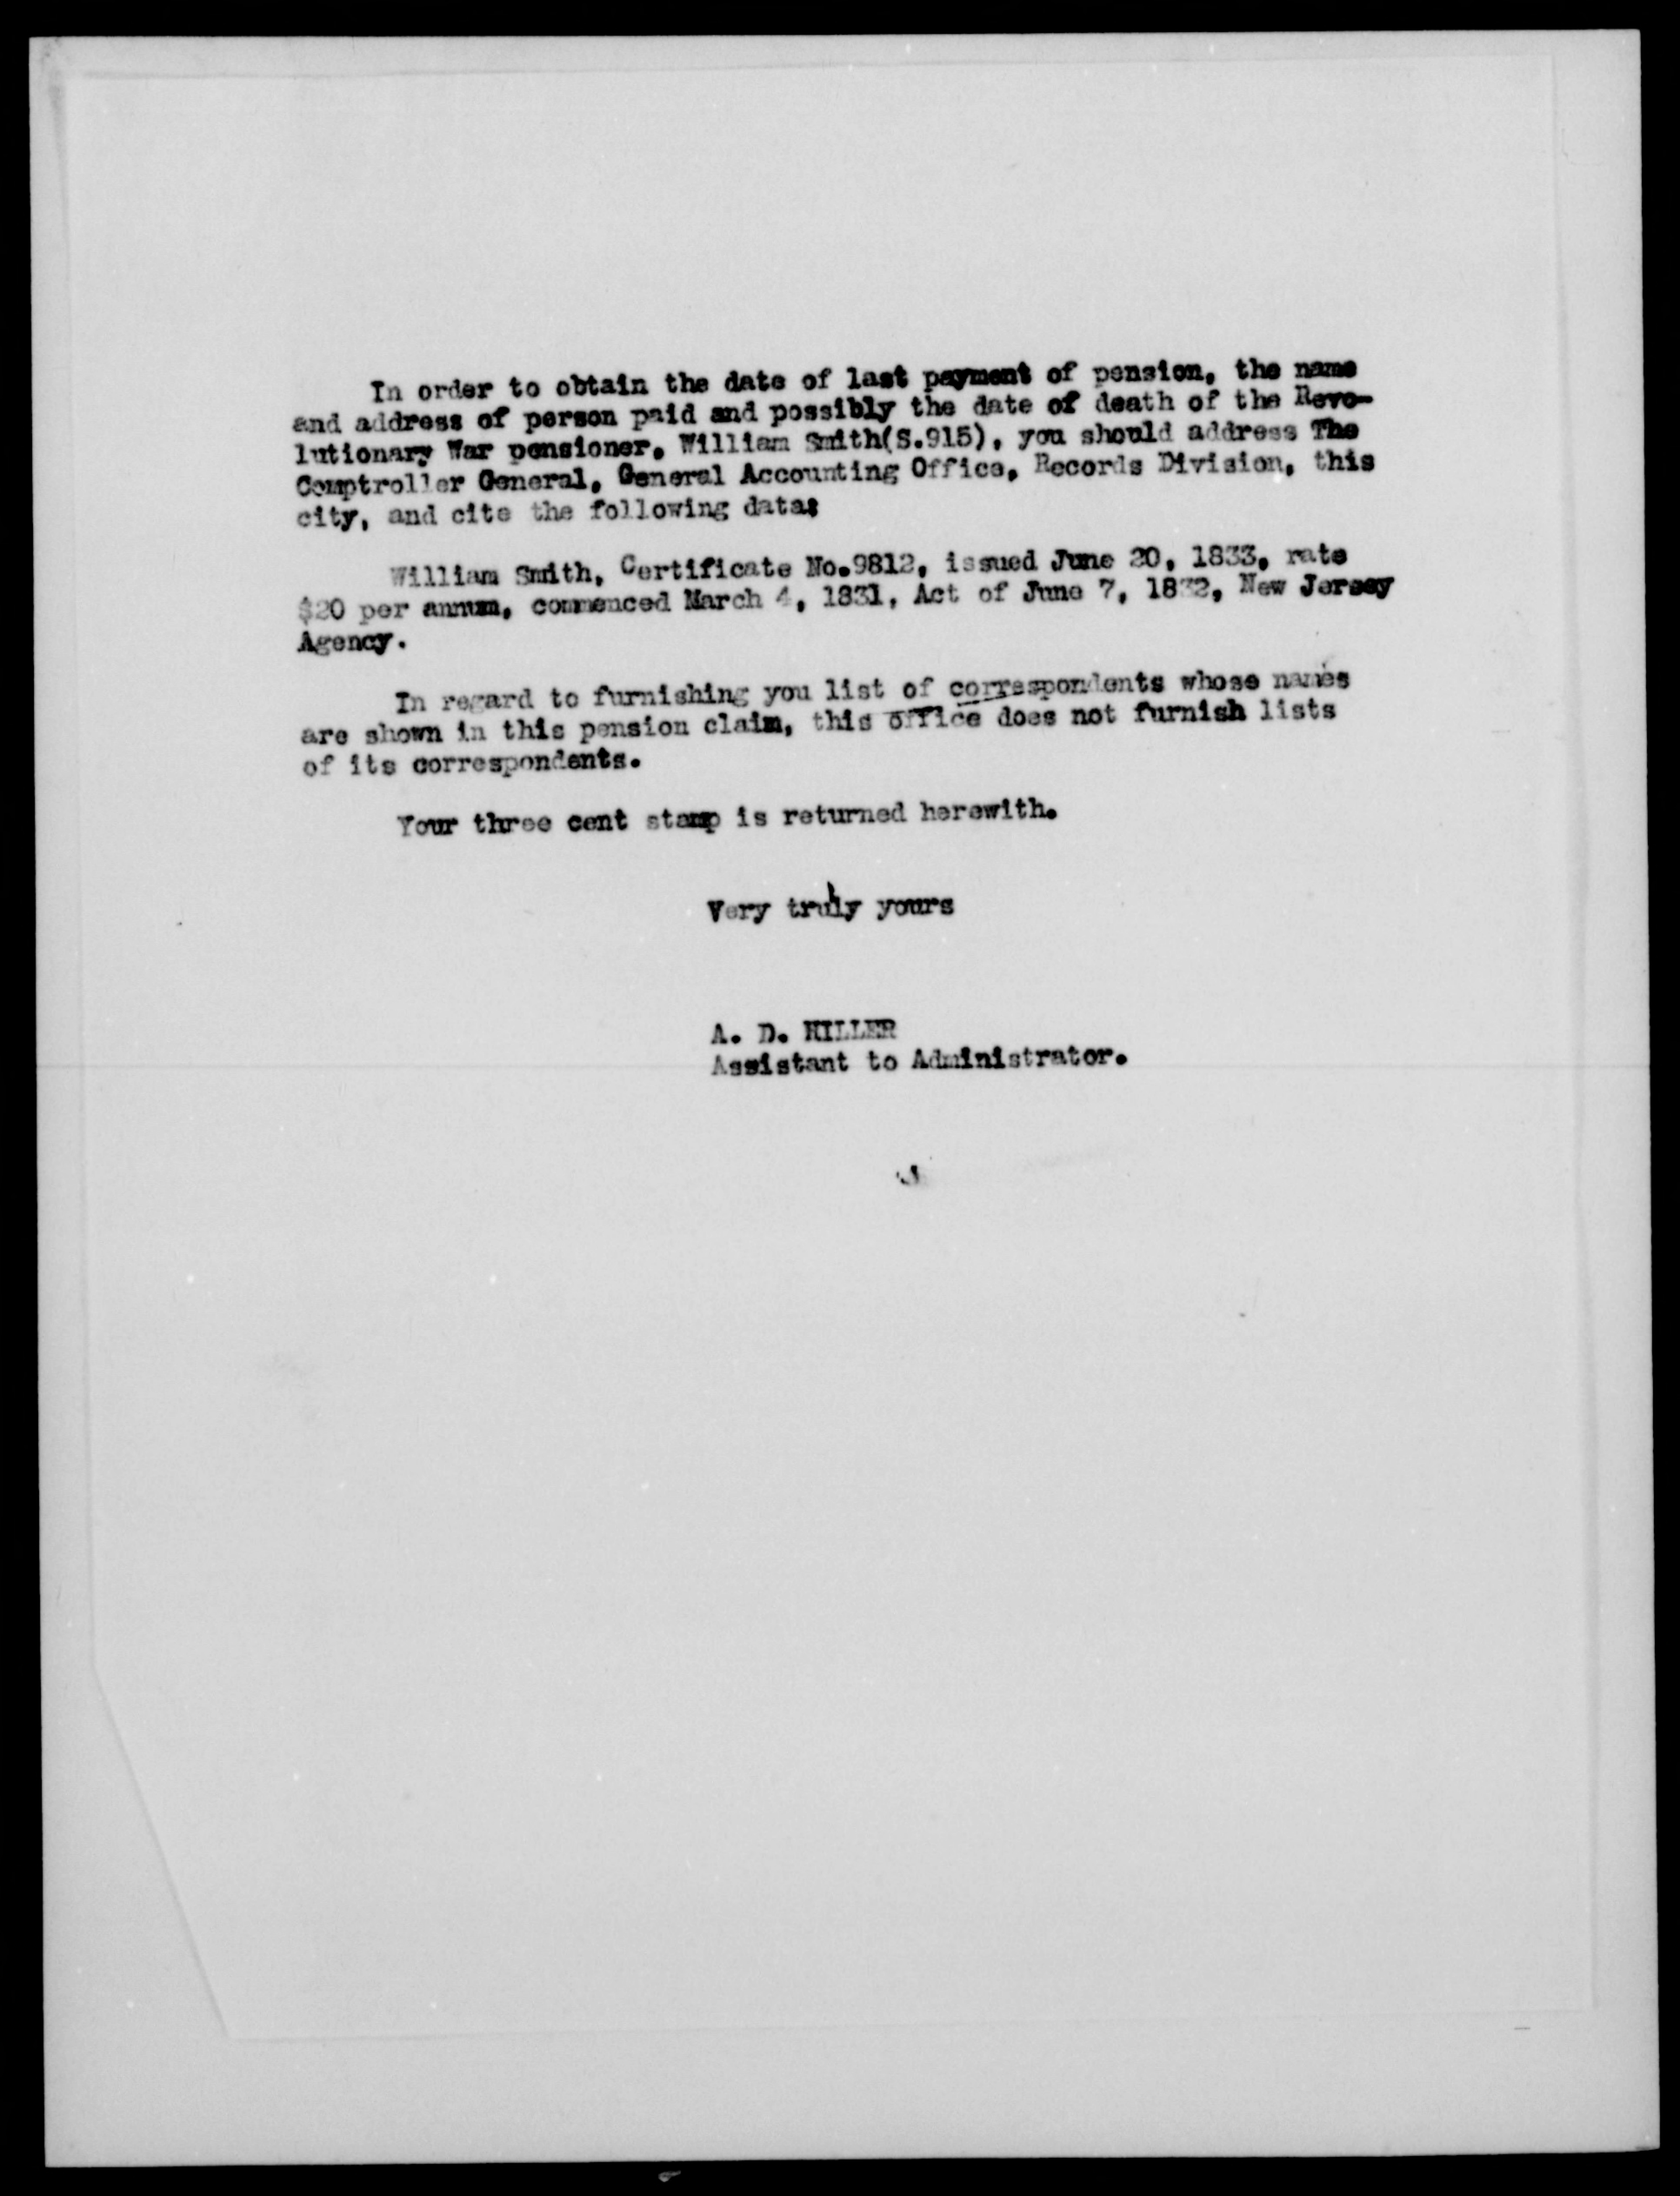In order to obtain the date of last payment of pension, the name and address of person paid and possibly the date of death of the Revo-lutionary War pensioner, William Smith (S.915), you should address the Comptroller General, General Accounting Office, Records Division, this city, and cite the following data:
William Smith, Certificate No.9812, issued June 20, 1833, rate $20 per annum, commenced March 4, 1831, Act of June 7, 1832, New Jersey
Agency.

In regard to furnishing you list of correspondents whose names
are shown in this pension claim, this office does not furnish lists of its correspondents.

Your three cent stamp is returned herewith.

Very truly yours

A. D. HILLER
Assistant to Administrator.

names: William Smith; A D Hiller; William Smith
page: 17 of 27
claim: survivor's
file: S. 915, for William Smith, New Jersey